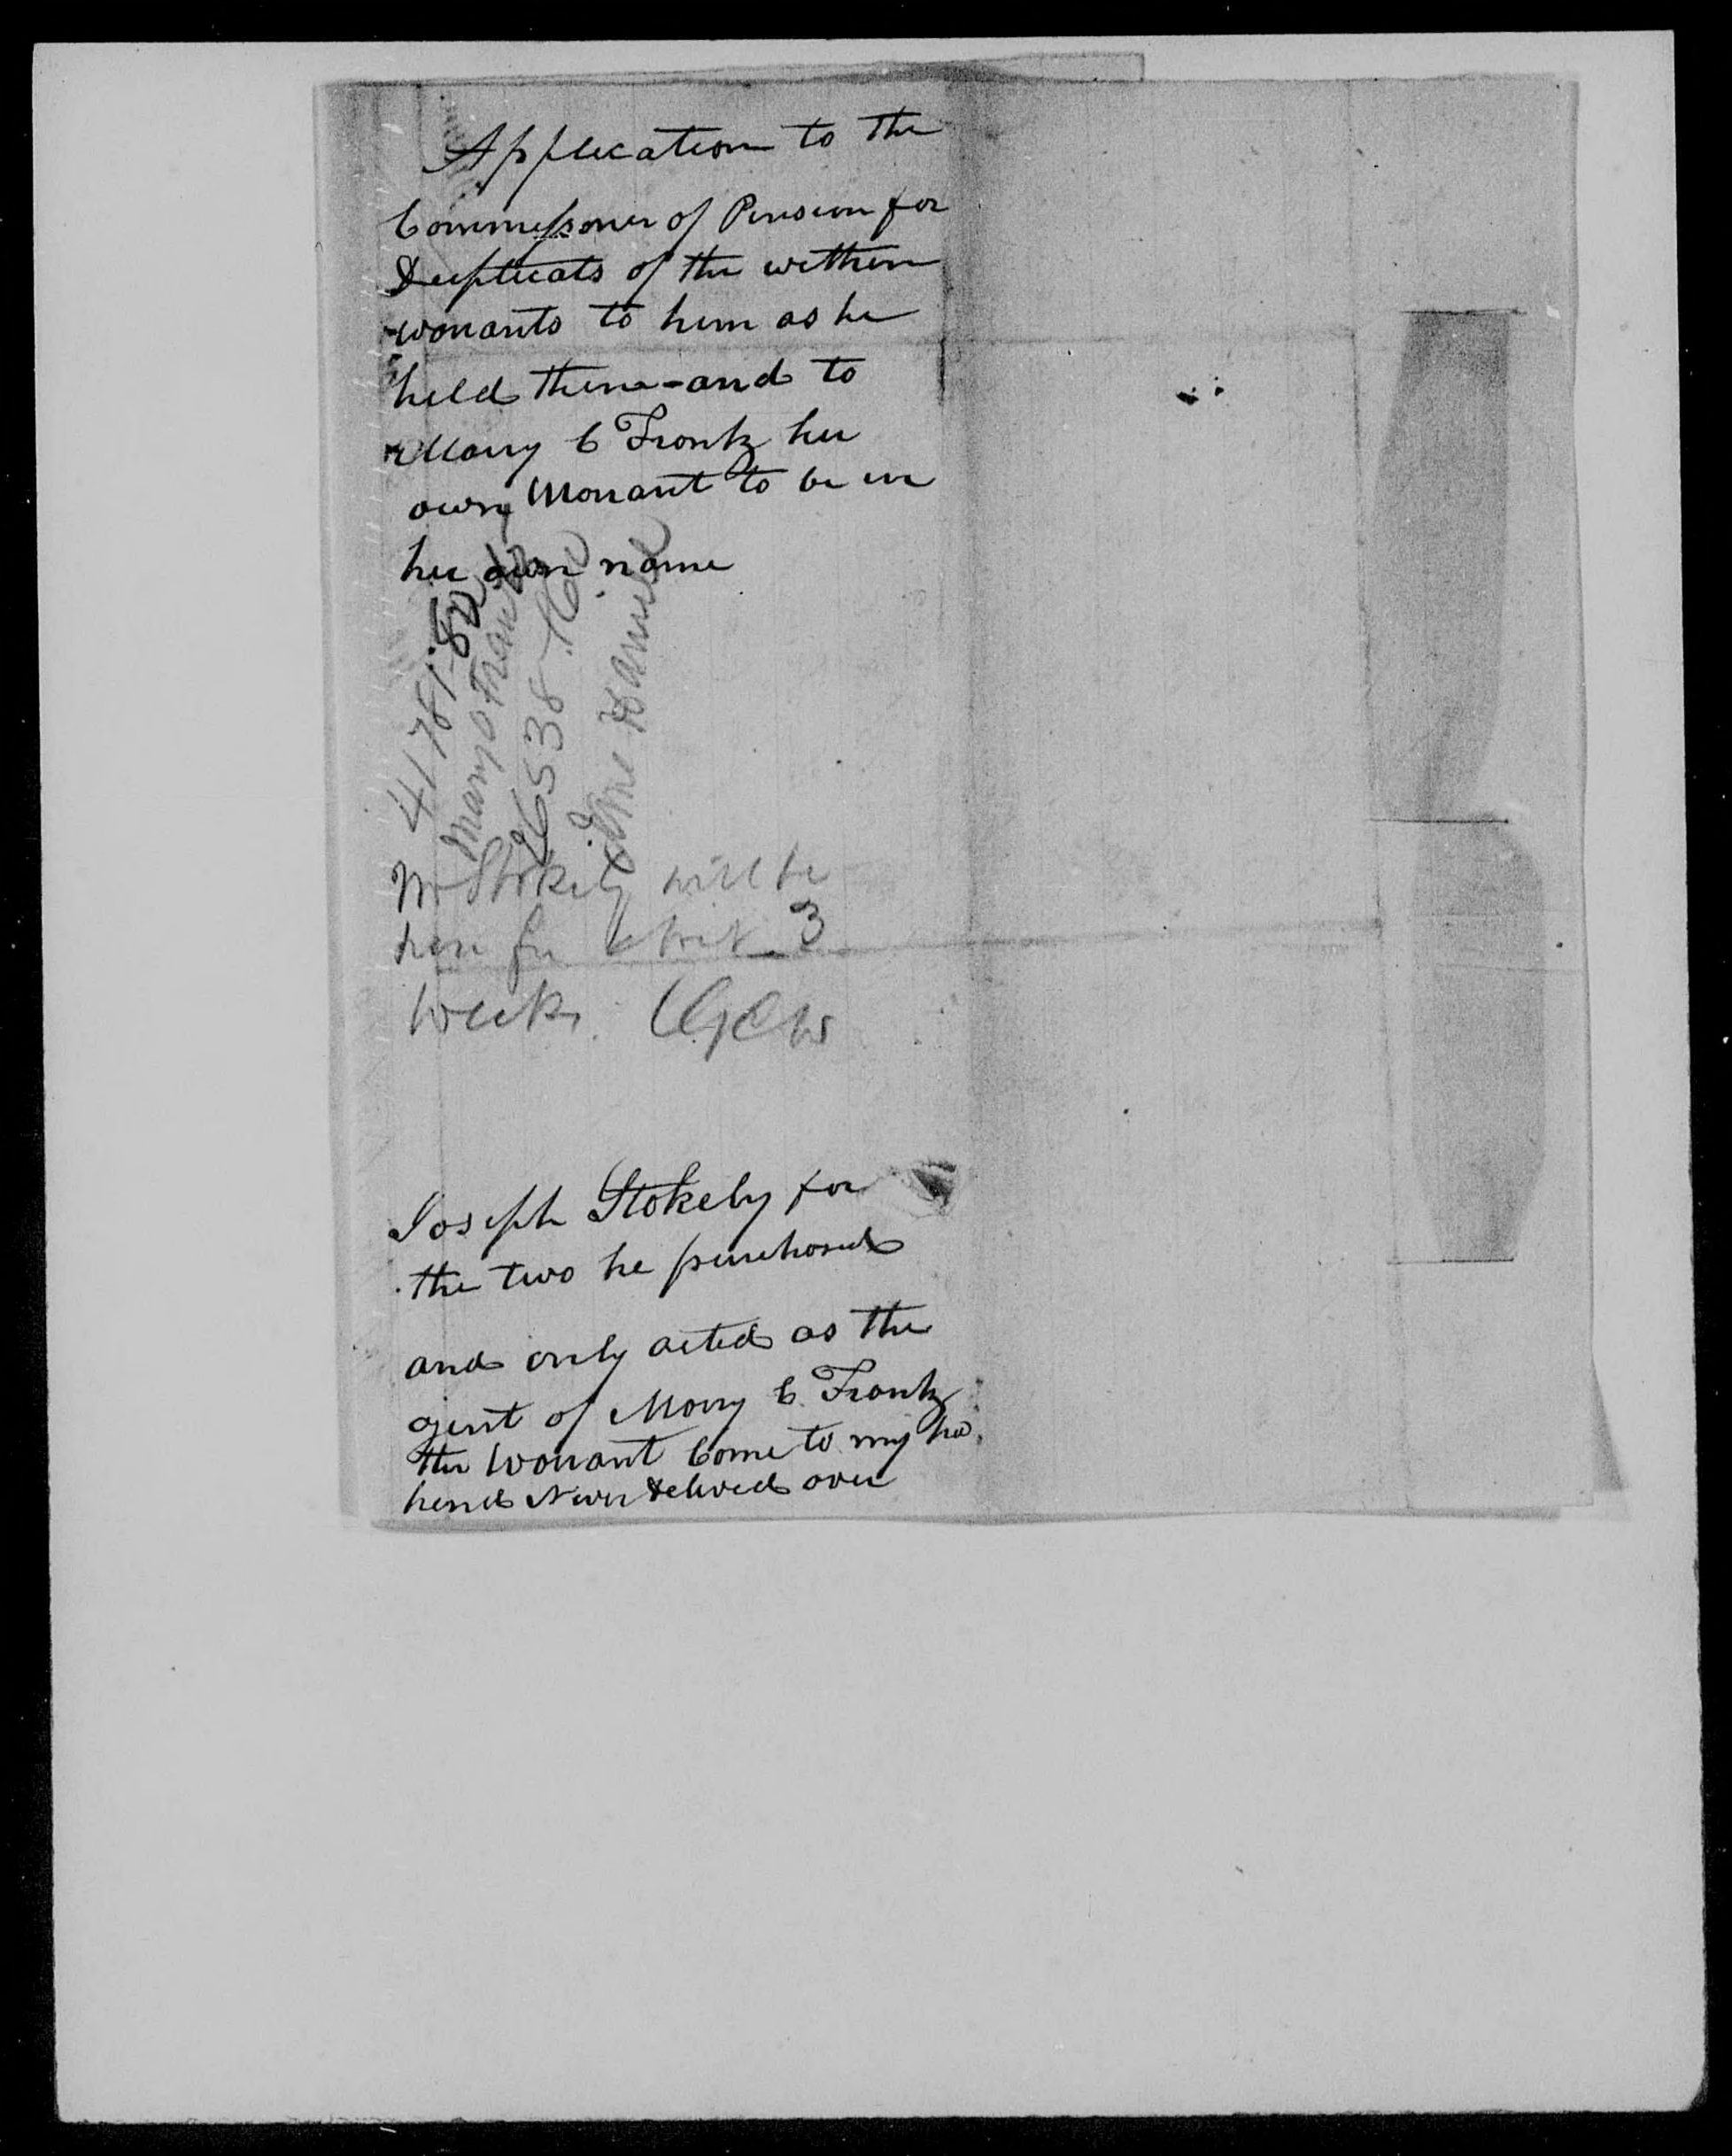(handwriting in several different directions overlapping)

Application to the 
Commissioner of Pension for 
Duplicates of the within 
-warants to him as he
held them-and to
Mary C Frantz her
own Warant to be in
her own name

4178182
Mary O Frantz
26538 PCV
Mr Hamill

Mrs Stokley will be
here for Unit 3
weeks Uycw

Joseph Stokely for
the two he purchased
and only acted as the
agent of Mary C. Frantz
her warrant come to my now
hereto never belived over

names: Joseph Stokely, Mary C Frantz, Hamill, Stokely, Mary C Frantz, Mary C Frantz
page: 67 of 92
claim: widow's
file: W 1173, Robert Hamill, Penn.